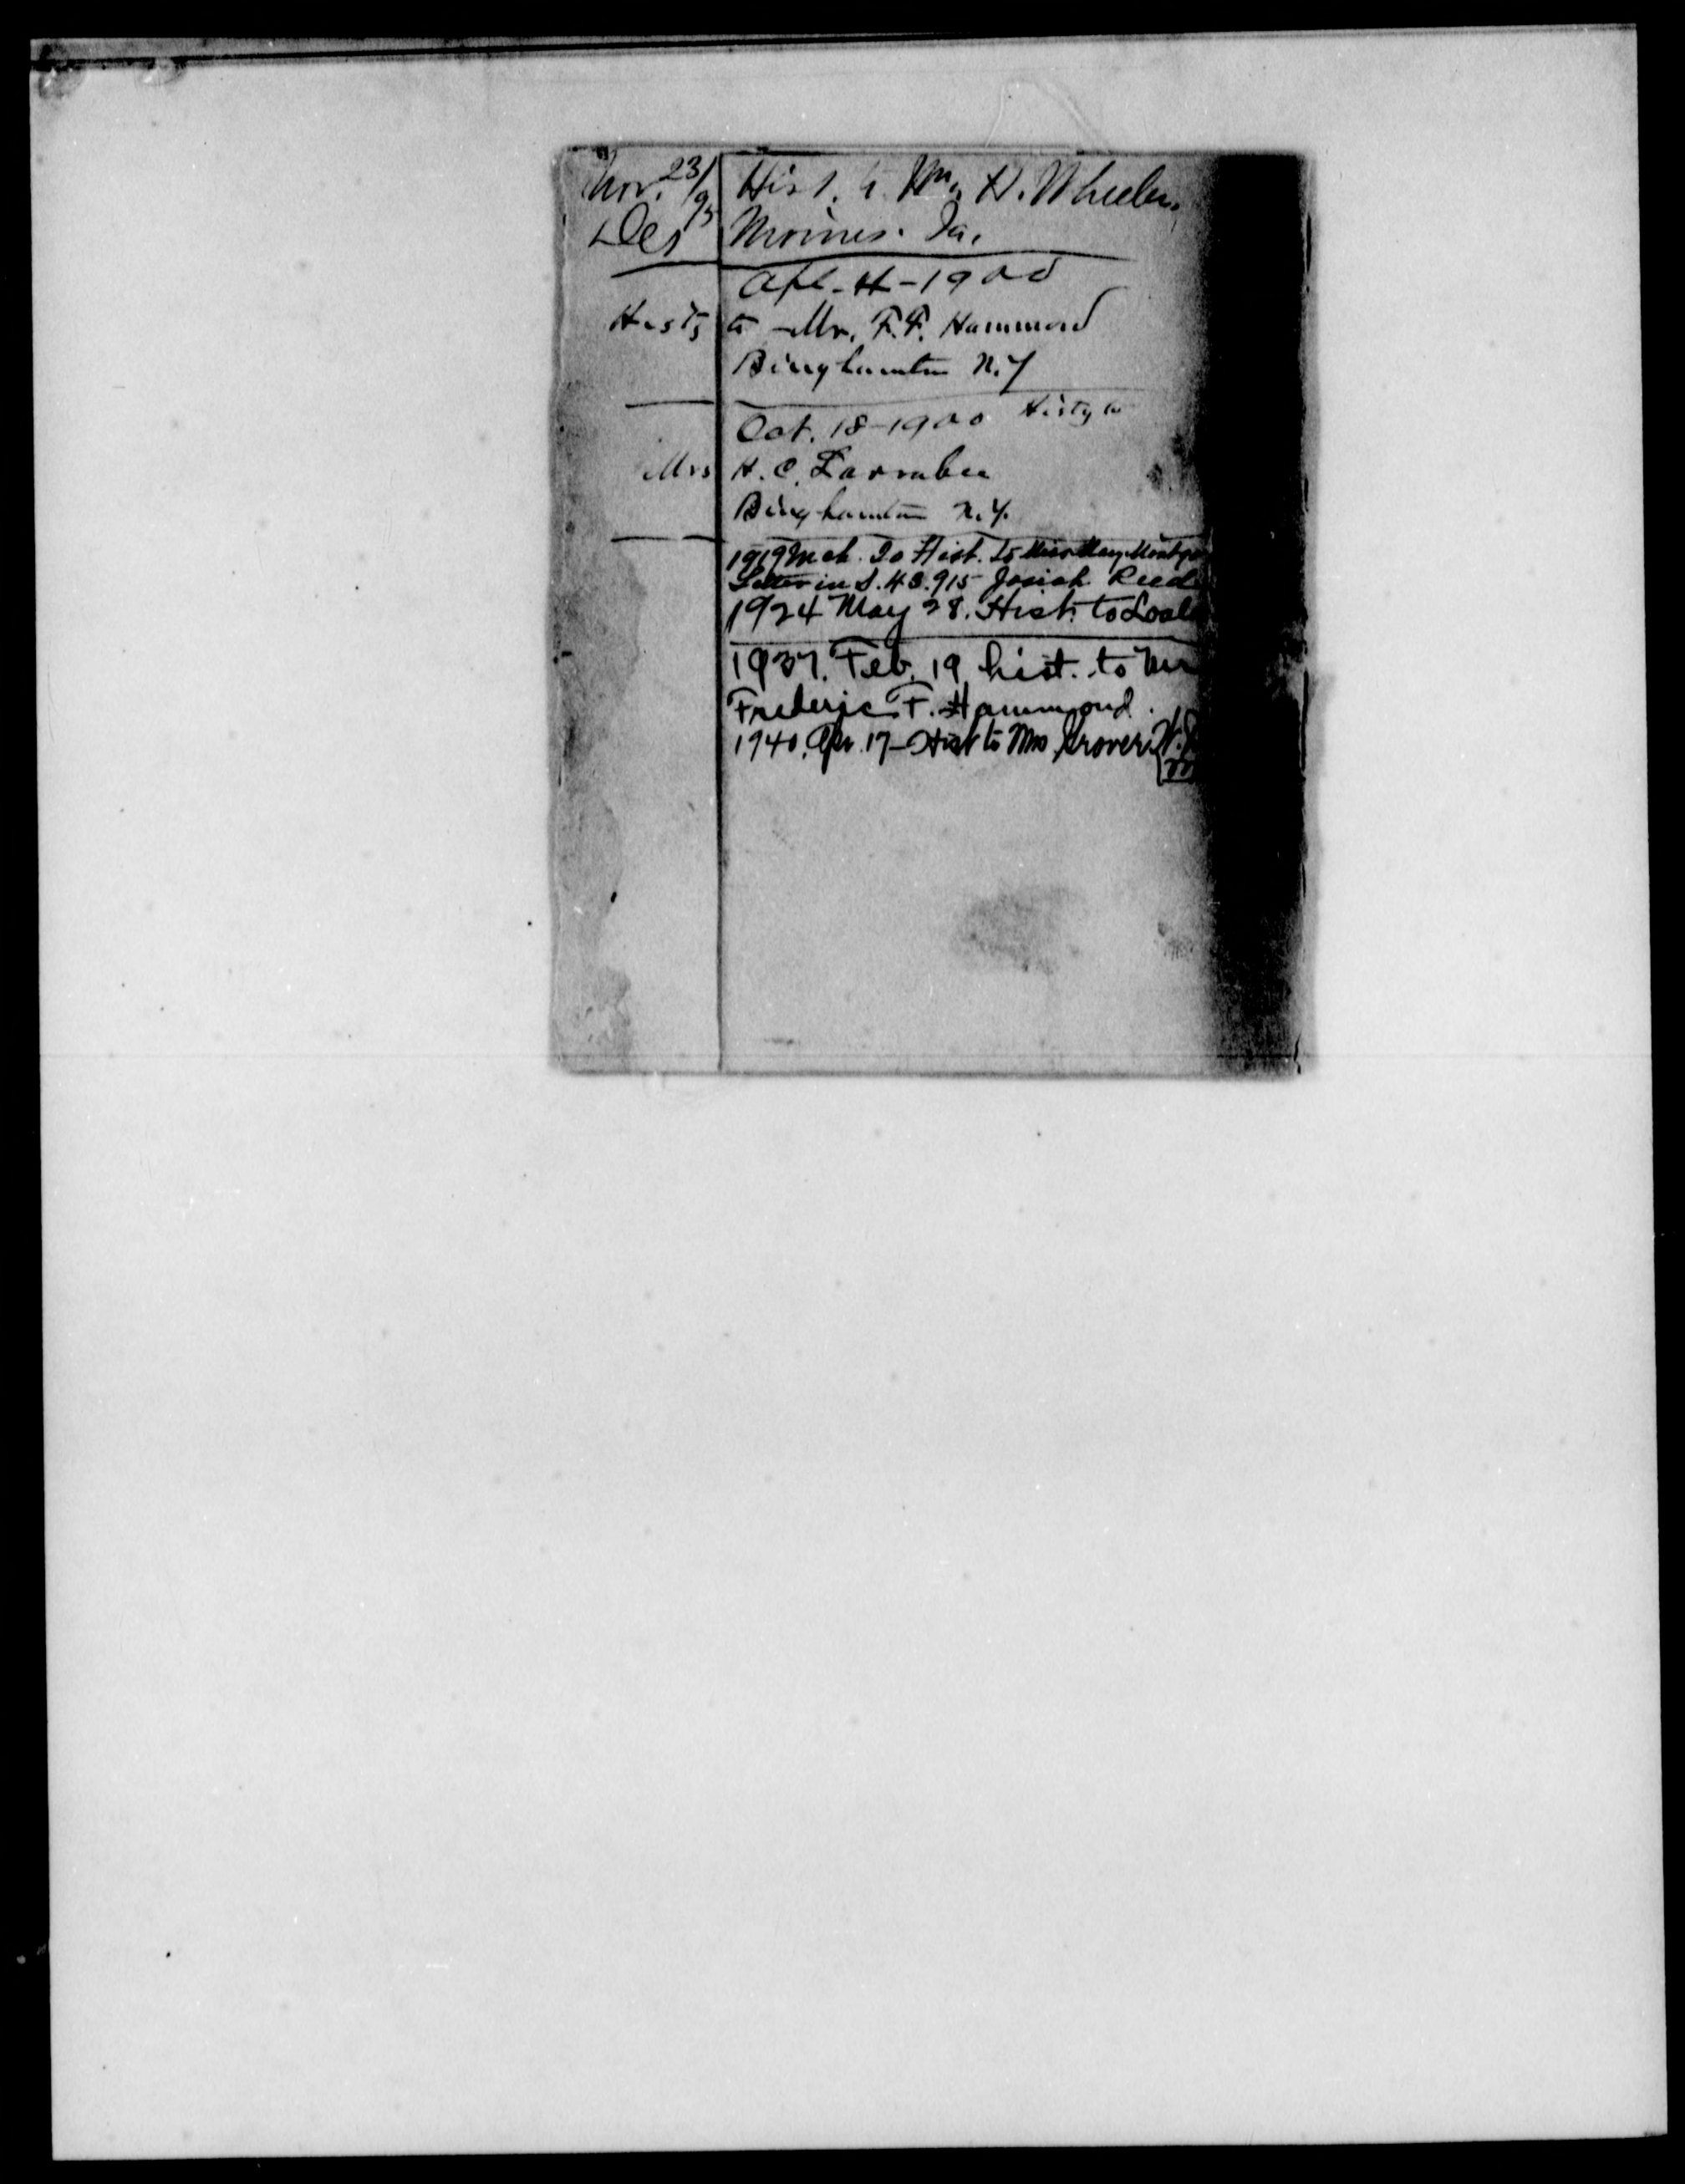Nov. 23/95 Hist. to Wm. H. Wheeler
Des Moines, Ia.
Apl. 4, 1900 Hist. to Mr. F. F. Hammond
Binghamton N. Y.
Oct. 18 1900 Histy to Mrs. H. C. Larrabee
Binghamton, N. Y.
1919 Mch 20 Hist. to Miss Mary Montgo Letter in S.43915 Josiah Reed
1924 May 28 Hist. to Loala (paper smudged)
1937 Feb. 19, hist. to Mrs. Frederic F. Hammond
1940 apr. 17 Hist. to Mrs. Grover W. (smudged)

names: Josiah Reed, Grover, Frederic F Hammond, Wn H Wheeler, H C Larrabee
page: 59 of 98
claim: widow's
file: W. 1682, Valentine Wheeler, Mass.